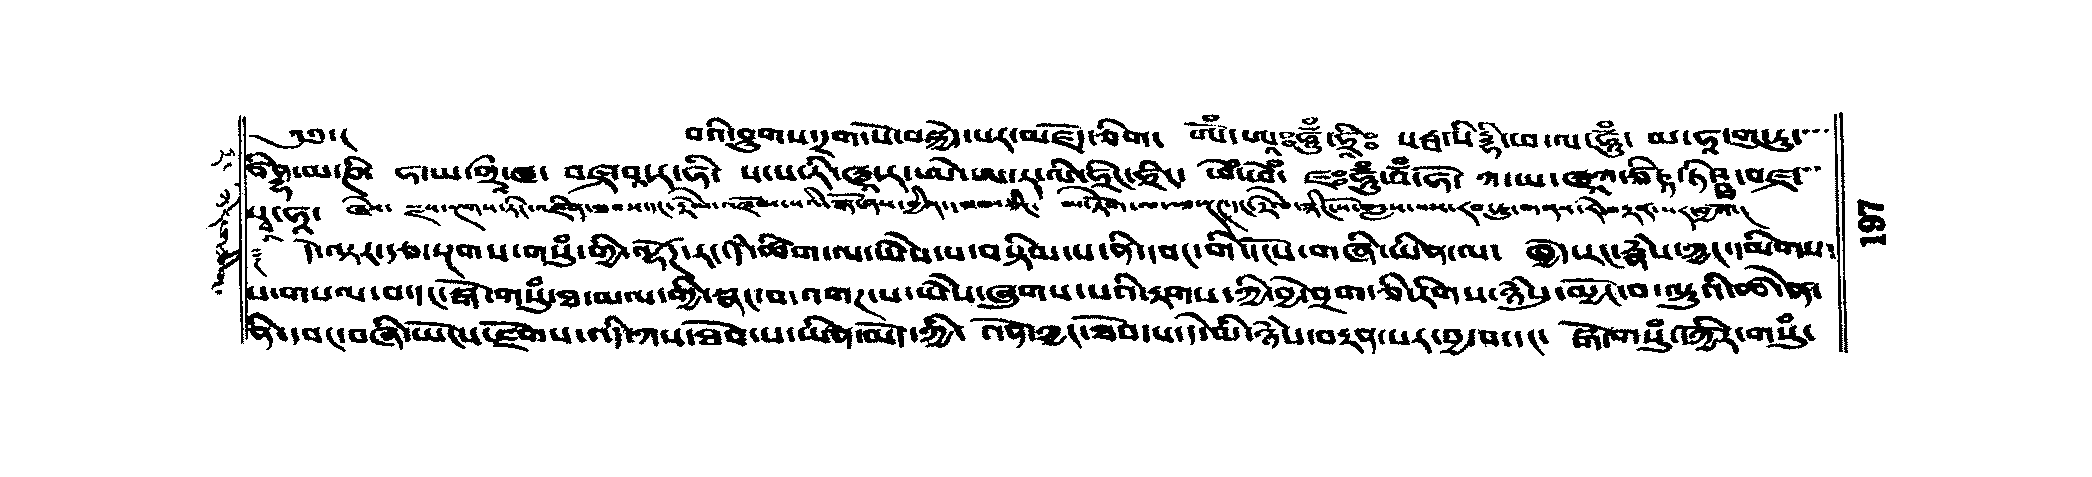བའི་ཤུགས་དྲག་པོ་བསྐྱེད་པར་མཛོད་ཅིག ཨོཾ་ཨཱཿཧཱུྃ་ཧྲཱིཿ སརྦ་སིདྡྷི་ཕ་ལ་ཧཱུྃ། མ་ཧཱ་གུ་རུ་
ཙིནྡྷ་མ་ཎི། ཧ་ཨ་གྲྀ་ཝ། བཛྲ་བཱ་ར་ཧི། ས་པ་རི་ཝཱ་ར་ཨེ་ཨཱ་ར་ལི་ཧྲི་ཧྲིང་། ཕེཾ་ཕེཾ། ཛཿཧཱུྃ་བྃ་ཧོ། ཀ་ཡ་ཝཱ་ཧོ། ཀ་ཡ་ཝཱཀ་ཙིཏྟ་ཏིཥྛ་བཛྲ་
སྭཱ་ཧཱ། ཞེས། རྫས་སྔགས་ཏིང་འཛིན་ཐབས་དང་རྟེན་འབྲེལ་འཛོམས་པའི་སྒོ་ནས་བྱིན་དབབ་ཅིང་།མེ་ཏོག་ལ་རྩ་སྔགས་དང་རྟེན་འབྲེལ་སྙིང་པོ་བཟླས་པར་རབ་ཏུ་གནས་རེ་བརྟན་པ་བྱའོ། 
༈ དེ་ལྟར་རྩ་སྔགས་གསུམ་གྱི་ལྷོ་ཚོགས་རང་དམ་ཚིག་ལ་ཡེ་ཤེས་པ་བསྟིམ་པ་ནི་དབང་གི་དངོས་གཞི་ཡིན་ལ། ཁྱེད་རང་རྣམས་ཀྱང་དམིགས་
པ་གསལ་བ་དང་སྒོ་གསུམ་ཐ་མལ་གྱི་སྣང་བ་འགགས་པ་ཡེ་ཤེས་ཞུགས་པའི་རྟགས་ཀྱི་བྱེ་བྲག་ཅི་རིགས་ཉམས་སུ་མྱོང་བ་ལྟ་བུའི་ཚེ་ན་
ནི་དབང་བཞི་ཡོངས་རྫོགས་འདི་ཀས་ཐོབ་པ་ཡིན་མོད་ཀྱི། འོན་ཀྱང་ཐོབ་པ་དེ་མི་ཉམས་བརྟན་པར་བྱ་བ་དང་། སྒོ་གསུམ་དཀྱིལ་འཁོར་གསུམ་